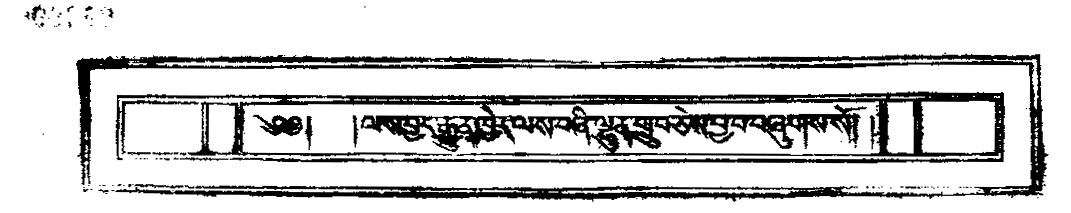༄༅། །ལས་བྱང་རྒྱུན་ཁྱེར་ལས་བཞི་ལྷུན་གྲུབ་ཅེས་བྱ་བ་བཞུགས་སོ། །